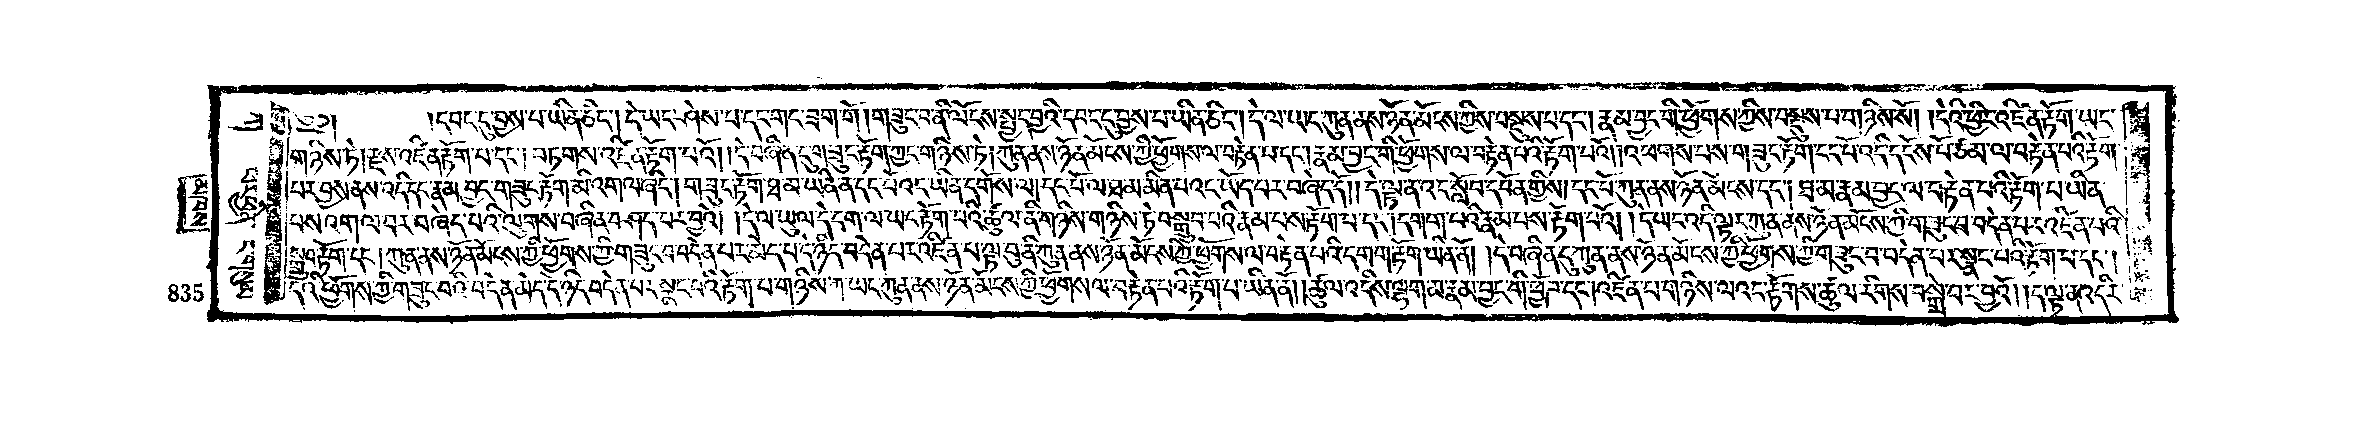༄༅། །དབང་དུ་བྱས་པ་ཡིན་ཅིང་། དེ་ཡང་ཤེས་པ་དང་གང་ཟག་གོ། གཟུང་བ་ནི་ལོངས་སྤྱད་བྱའི་དབང་དུ་བྱས་པ་ཡིན་ཅིང་། དེ་ལ་ཡང་ཀུན་ནས་ཉོན་མོངས་ཀྱིས་བསྡུས་པ་དང་། རྣམ་བྱང་ག་ཕྱོགས་ཀྱིས་བསྡུས་པ་གཉིས་སོ། །དེའི་ཕྱིར་འཛིན་རྟོག་ཡང་
གཉིས་ཏེ། རྫས་འཛིན་རྟོག་པ་དང་། བཏགས་འཛིན་རྟོག་པའོ། །དེ་བཞིན་དུ་གཟུང་རྟོག་གཉིས་ཏེ། ཀུན་ནས་ཉོན་མོངས་ཀྱི་ཕྱོགས་ལ་བརྟེན་པའི་རྟོག་པའོ། །འཕགས་པས་གཟུང་རྟོག་དང་པོ་འདི་དངོས་པོ་ཙམ་ལ་བརྟེན་པའི་རྟོག་
པར་བྱས་ནས་འདི་དང་རྣམ་བྱང་གཟུང་རྟོག་མི་འགལ་ཞིང་། གཟུང་རྟོག་ཐ་མ་ཡིན་ན་དང་པོའང་ཡིན་དགོས་ལ། དང་པོ་ཐ་མ་མིན་པའང་ཡོད་པར་བཞེད་དོ། །དེ་ལྟ་ན་འདི་སློབ་དཔོན་གྱིས། དང་པོ་ཀུན་ནས་ཉོན་མོངས་དང་། ཐ་མ་རྣམ་བྱང་ལ་བརྟེན་པའི་རྟོག་པ་ཡིན་
པས་འགལ་བར་བཞེད་པའི་ལུགས་བཞིན་བཤད་པར་བྱའོ། །དེ་ལ་ཡུལ་དེ་དག་ལ་ཡང་རྟོག་པའི་ཚུལ་ནི་གཉིས་གཉིས་ཏེ་བསྒྲུབ་པའི་རྣམ་པས་རྟོག་པ་དང་། དགག་པའི་རྣམ་པས་རྟོག་པའོ། །དེ་ཡང་འདི་ལྟར་ཀུན་ནས་ཉོན་མོངས་ཀྱི་གཟུངས་བ་བདེན་པར་འཛིན་པའི་
སྒྲུབ་རྟོག་དང་། ཀུན་ནས་ཉོན་མོངས་ཀྱི་ཕྱོགས་ཀྱི་གཟུང་བ་བདེན་པར་མེད་པ་དེ་ཉིད་བདེན་པར་འཛིན་པ་ལྟ་བུ་ནི་ཀུན་ནས་ཉོན་མོངས་ཀྱི་ཕྱོགས་ལ་བརྟེན་པའི་དགག་རྟོག་ཡིན་ནོ། །དེ་བཞིན་དུ་ཀུན་ནས་ཉོན་མོངས་ཀྱི་ཕྱོགས་ཀྱི་གཟུང་བ་བདེན་པར་སྣང་བའི་རྟོག་པ་དང་།
དེའི་ཕྱོགས་ཀྱི་གཟུང་བའི་བདེན་མེད་དེ་ཉིད་བདེན་པར་སྣང་བའི་རྟོག་པ་གཉིས་ཀ་ཡང་ཀུན་ནས་ཉོན་མོངས་ཀྱི་ཕྱོགས་ཀྱི་ལ་བརྟེན་པའི་རྟོག་པ་ཡིན་ནོ། །ཚུལ་འདིས་ལྷག་མ་རྣམ་བྱང་གི་ཕྱོགས་དང་། འཛིན་པ་གཉིས་ལའང་རྟོགས་ཚུལ་རིགས་བསྒྲེ་བར་བྱའོ། །དེ་ལྟ་ན་འདིར་